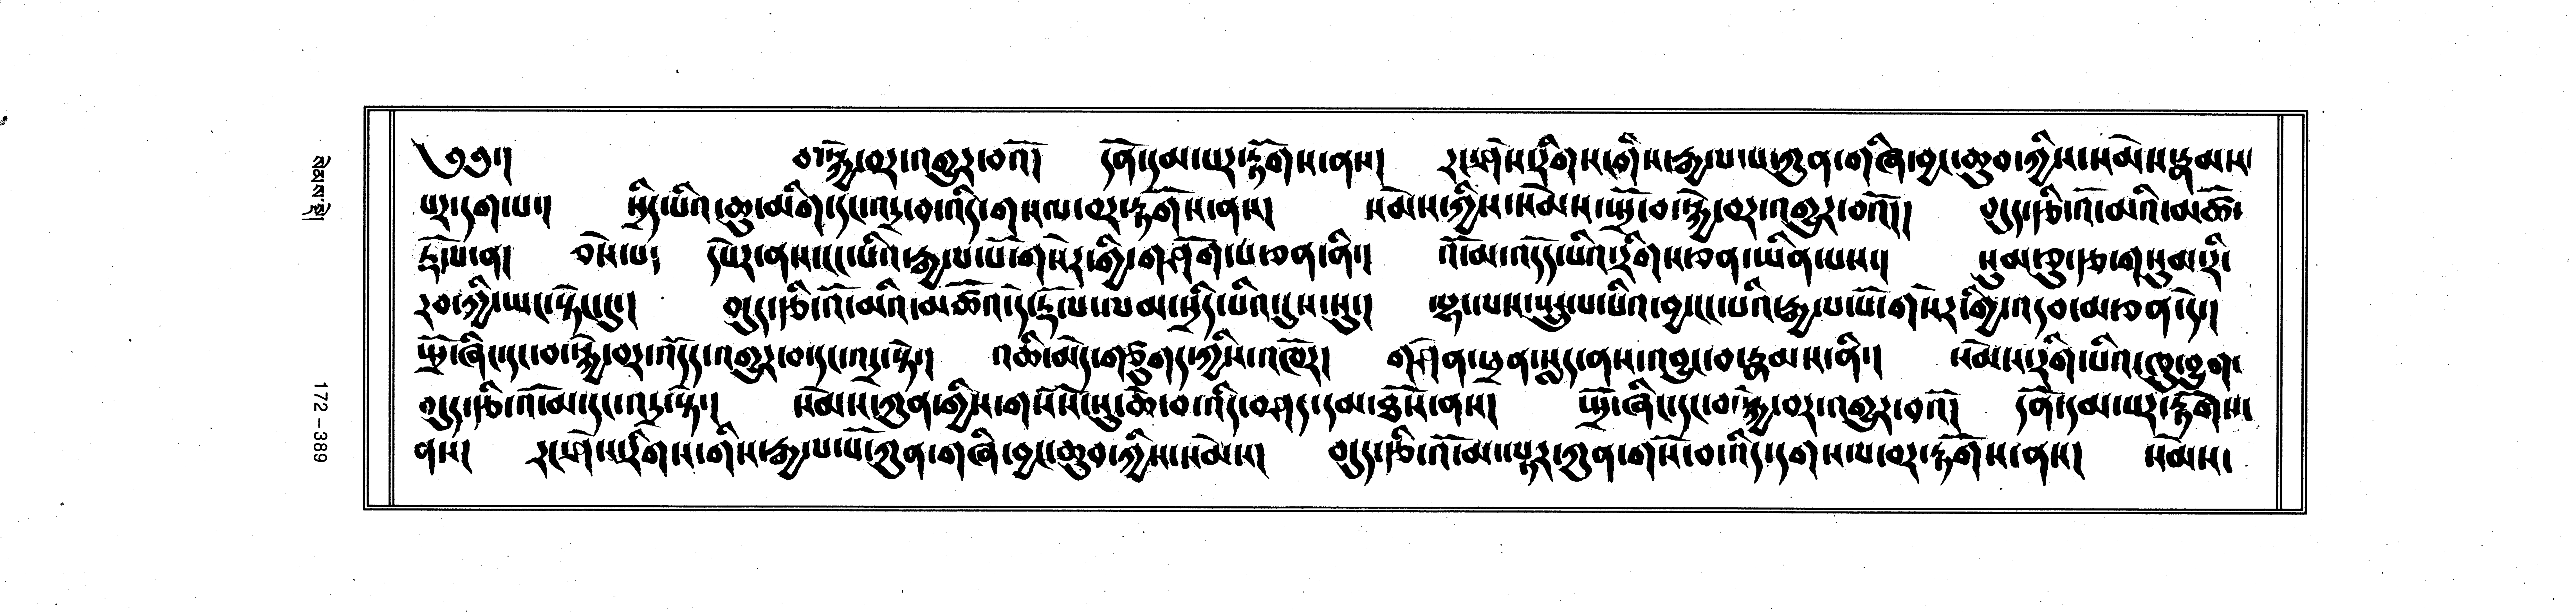སྐྱེ་བར་འགྱུར་བའོ། དོན་དམ་པར་རྟོགས་ནས། རང་ཤེས་རིགས་གིས་རྒྱལ་པོ་ཀུན་གཞི་བྱང་ཆུབ་ཀྱིས་སེམས་རྣམ་
པར་དག་པ། སྲིད་པའི་ཆུ་མིག་དང་འདྲ་བ་འདི་གསལ་བར་རྟོགས་ནས། སེམས་ཀྱིས་སེམས་སྤྲོ་བ་སྐྱེ་བར་འགྱུར་བའོ། བདུད་རྩི་འོ་མའི་མཚོ་
རྡོལ་ན། ཅེས་པ། དཔེར་ནས་ངང་པའི་རྒྱལ་པོ་གསེར་གྱི་གཤོག་པ་ཅན་ནི། འོ་མ་འདོད་པའི་རིགས་ཅན་ཡིན་པས། སུམ་ཅུ་རྩ་གསུམ་རི་
རབ་ཀྱི་ཡང་སྟེང་དུ། བདུད་རྩི་འོ་མའི་མཚོའ་དེ་རྡོལ་ལམ་སྲིད་པའི་དུས་སུ། ལྷ་ལས་སྤྲུལ་པའི་བྱ་ངང་པའི་རྒྱལ་པོ་གསེར་གྱི་འདབ་མ་ཅན་དེ། 
སྤྲོ་ཞིང་དྭངས་བ་སྐྱེ་བར་འདོད་འགྱུར་བ་དང་འདྲ་སྟེ། འཆི་མེད་གཙུག་ཕུད་ཀྱིས་འཁོར། གཤེན་ཕྲན་སླད་ནས་འབྱུང་བ་རྣམས་ནི། སེམས་རིག་པའི་ཁུ་བྱུག་
བདུད་རྩི་འོ་མ་དང་འདྲ་སྟེ། སེམས་ཀུན་གྱིས་གསོས་སུ་ཆེ་བ་འདི་བཤད་དམ་ཐོབ་ནས། སྤྲོ་ཞིང་དྭངས་བ་སྐྱེ་བར་འགྱུར་བའོ། དོན་དམ་པར་རྟོགས་
ནས། རང་ཤེས་རིག་གིས་རྒྱལ་པོ་ཀུན་གཞི་བྱང་ཆུབ་ཀྱིས་སེམས། བདུད་རྩི་འོ་མ་ལྟར་ཀུན་གསོ་བ་འདི་དག་གསལ་བར་རྟོགས་ནས། སེམས་